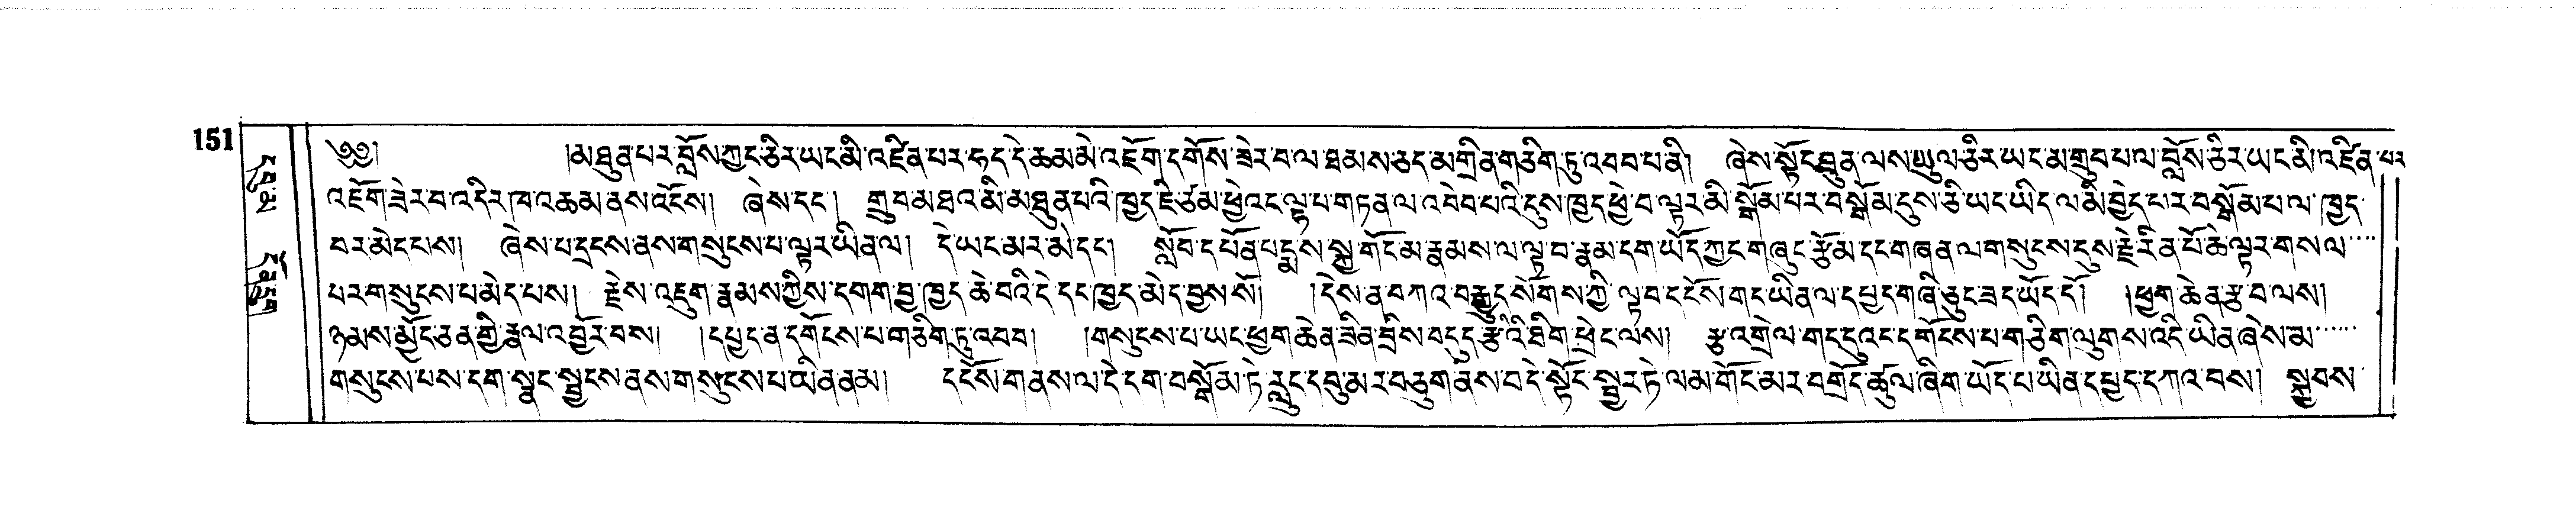༄༅། །མཐུན་པར་བློས་ཀྱང་ཅིར་ཡང་མི་འཛིན་པར་ཧད་དེ་ཆམ་མེ་འཇོག་དགོས་ཟེར་བ་ལ་ཐམས་ཅད་མགྲིན་གཅིག་ཏུ་འབབ་པ་ནི། ཞེས་སྟོང་ཐུན་ལས་ཡུལ་ཅིར་ཡང་མ་གྲུབ་པ་ལ་བློས་ཅིར་ཡང་མི་འཛིན་པར་
འཇོག་ཟེར་བ་འདིར་ཁ་འཆམ་ནས་འོངས། ཞེས་དང་། གྲུབ་མཐའ་མི་མཐུན་པའི་ཁྱད་ཇི་ཙམ་ཕྱེའང་ལྟ་པ་གཏན་ལ་འབེབ་པའི་དུས་ཁྱད་ཕྱེ་བ་ལྟར་མི་སྒོམ་པར་བསྒོམ་དུས་ཅི་ཡང་ཡིད་ལ་མི་བྱེད་པར་བསྒོམ་པ་ལ་ཁྱད་
བར་མེད་པས། ཞེས་པ་དྲངས་ནས་གསུངས་པ་ལྟར་ཡིན་ལ། དེ་ཡང་མར་མེ་དང་། སློབ་དཔོན་པདམ་ས་སྐྱ་གོང་མ་རྣམས་ལ་ལྟ་བ་རྣམ་དག་ཡོད་ཀྱང་གཞུང་རྩོམ་དང་གཞན་ལ་གསུངས་དུས་རྗེ་རིན་པོ་ཆེ་ལྟར་གསལ་
པར་གསུངས་པ་མེད་པས། རྗེས་འཇུག་རྣམས་ཀྱིས་དགག་བྱ་ཁྱད་ཆེ་བའི་དེ་དང་ཁྱད་མེད་བྱས་སོ། །དེས་ན་བཀའ་བརྒྱུད་སོགས་ཀྱི་ལྟ་བ་དངོས་གང་ཡིན་ལ་དཔྱད་གཞི་ཅུང་ཟད་ཡོད་དོ། །ཕྱག་ཆེན་རྩ་བ་ལས།
ཉམས་མྱོང་ཅན་གྱི་རྣལ་འབྱོར་བས། །དཔྱད་ན་དགོངས་པ་གཅིག་ཏུ་འབབ། །གསུངས་པ་ཡང་ཕྱག་ཆེན་ཟིན་བྲིས་བདུད་རྩིའི་ཐིག་ཕྲེང་ལས། རྩ་འགྲེལ་གང་དུའང་དགོངས་པ་གཅིག་ལུགས་འདི་ཡིན་ཞེས་མ་
གསུངས་པས་དག་སྣང་སྦྱངས་ནས་གསུངས་པ་ཡིན་ནམ། དངོས་གནས་ལ་དེ་དག་བསྒོམ་ཏེ་རླུང་དབུ་མར་བཅུག་ནས་བདེ་སྟོང་སྦྱར་ཏེ་ལམ་གོང་མར་བགྲོད་ཚུལ་ཞིག་ཡོད་པ་ཡིན་དཔྱད་དཀའ་བས། སྐྱབས་